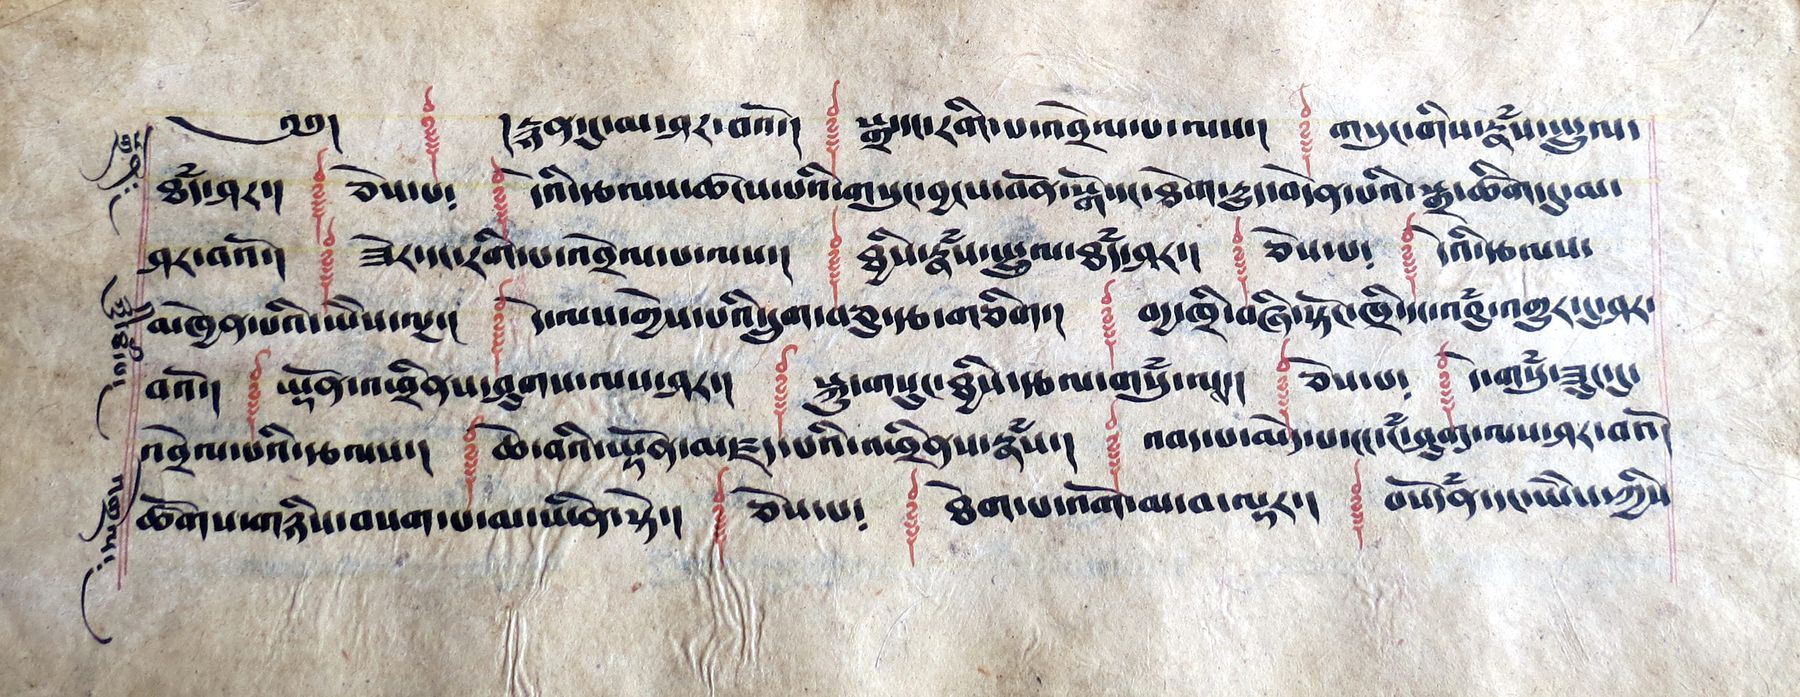བརྙན་དུ་མ་ཤར་བའོ། །སྒྲ་དང་རིག་པ་འབྲེལ་བ་ལས། གསུང་གི་རྣམ་སྤྲུལ་
ཐམས་ཅད་ཤར། །ཅེས་པས་དེའི་རྩལ་ལས་ཚངས་པའི་གསུངས་དབྱངས་བོན་སྒོ་དང་ཐེག་རྒྱུད་བདེན་པའི་སྒྲ་ཚིག་དུ་མ་
ཤར་བའོ། ཟེར་དང་རིག་པ་འབྲེལ་བ་ལས། ཐུགས་ཀྱི་རྣམ་སྤྲུལ་ཐམས་ཅད་ཤར། །ཅེས་པས། དེའི་རྩལ་ལས་
མཁྱེན་པའི་ཡེ་ཤེས་ལྔ། དེ་ལས་གྱེས་པའི་དྲུག་བཅུ་རྩ་གཅིག བརྒྱད་ཁྲི་བཞི་སྟོང་ཁྲི་དང་འབུམ་འགྱུར་དུ་ཤར་
བའོ། །ཡོན་ཏན་ཕྲིན་ལས་ཤུགས་ལ་ཤར། སྐུ་གསུང་ཐུགས་ཀྱི་རྩལ་གསུམ་ལས་ཞེས་པས། དེ་གསུམ་ཟུང་དུ་
འབྲེལ་བའི་རྩལ་ལས། ཆེ་བའི་ཡོན་ཏན་མཛད་པའི་ཕྲིན་ལས་རྣམས་འབད་པ་མེད་པར་ངང་ངམ་ཤུགས་ལས་ཤར་བའོ། །
ཚོགས་གཉིས་བསགས་པ་མ་ཡིན་ཏེ། །ཞེས་པས་ཐེག་པ་འོག་མ་པ་ལྟར། བསོད་ནམས་དང་ཡེ་ཤེས་ཀྱི་